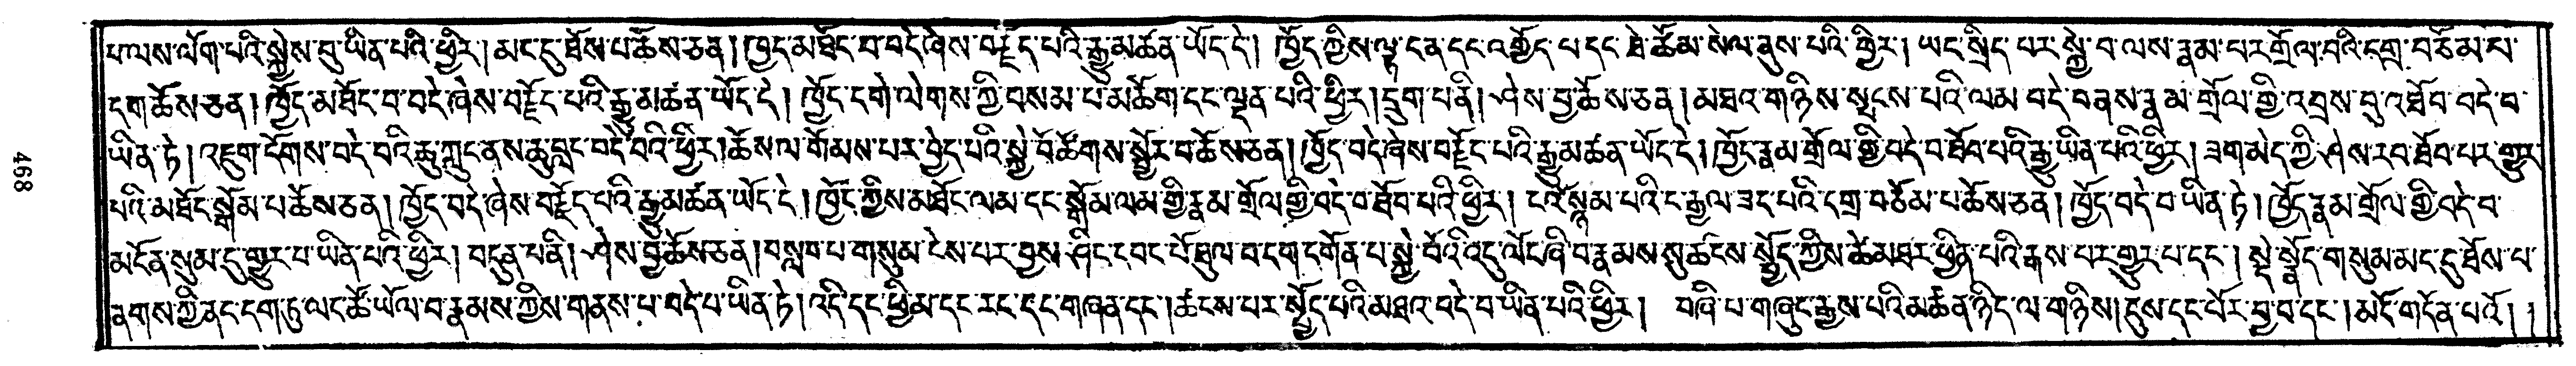པ་ལས་ལོག་པའི་སྐྱེས་བུ་ཡིན་པའི་ཕྱིར། མང་དུ་ཐོས་པ་ཆོས་ཅན། ཁྱད་མཐོང་བ་བདེ་ཞེས་བརྗོད་པའི་རྒྱུ་མཚན་ཡོད་དེ། ཁྱོད་ཀྱིས་ལྟ་ངན་དང་འགྱོད་པ་དང་ཐེ་ཚོམ་སེལ་ནུས་པའི་ཕྱིར། ཡང་སྲིད་པར་སྐྱེ་བ་ལས་རྣམ་པར་གྲོལ་བའི་དགྲ་བཅོམ་པ་
དག་ཆོས་ཅན། ཁྱོད་མཐོང་བ་བདེ་ཞེས་བརྗོད་པའི་རྒྱུ་མཚན་ཡོད་དེ། ཁྱོད་དགེ་ལེགས་ཀྱི་བསམ་པ་མཆོག་དང་ལྡན་པའི་ཕྱིར། དྲུག་པ་ནི། ཤེས་བྱ་ཆོས་ཅན། མཐའ་གཉིས་སྤངས་པའི་ལམ་བདེ་བ་ནས་རྣམ་གྲོལ་གྱི་འབྲས་བུ་འཐོབ་བདེ་བ་
ཡིན་ཏེ། འཇུག་དོགས་བདེ་བའི་ཆུ་ཀླུང་ནས་ཆུ་བླང་བདེ་བའི་ཕྱིར། ཆོས་ལ་གོམས་པར་བྱེད་པའི་སྐྱེ་བོ་ཚོགས་སྦྱོར་བ་ཆོས་ཅན། ཁྱོད་བདེ་ཞེས་བརྗོད་པའི་རྒྱུ་མཚན་ཡོད་དེ། ཁྱོད་རྣམ་གྲོལ་གྱི་བདེ་བ་ཐོབ་པའི་རྒྱུ་ཡིན་པའི་ཕྱིར། ཟག་མེད་ཀྱི་ཤེས་རབ་ཐོབ་པར་གྱུར་
པའི་མཐོང་སྒོམ་པ་ཆོས་ཅན། ཁྱོད་བདེ་ཞེས་བརྗོད་པའི་རྒྱུ་མཚན་ཡོད་དེ། ཁྱོད་ཀྱིས་མཐོང་ལམ་དང་སྒོམ་ལམ་གྱི་རྣམ་གྲོལ་གྱི་བདེ་བ་ཐོབ་པའི་ཕྱིར། ངའོ་སྙམ་པའི་ང་རྒྱལ་ཟད་པའི་དགྲ་བཅོམ་པ་ཆོས་ཅན། ཁྱོད་བདེ་བ་ཡིན་ཏེ། ཁྱོད་རྣམ་གྲོལ་གྱི་བདེ་བ་
མངོན་སུམ་དུ་གྱུར་པ་ཡིན་པའི་ཕྱིར། བདུན་པ་ནི། ཤེས་བྱ་ཆོས་ཅན། བསླབ་པ་གསུམ་ངེས་པར་བྱས་ཤིང་དབང་པོ་ཐུལ་བ་དག་དགོན་པ་སྐྱེ་བོའི་འདུ་ལོང་ཞི་བ་རྣམས་སུ་ཚངས་སྤྱོད་ཀྱིས་ཚེ་མཐར་ཕྱིན་པའི་རྒས་པར་གྱུར་པ་དང་། སྡེ་སྣོད་གསུམ་མང་དུ་ཐོས་པ་
ནགས་ཀྱི་ནང་དག་ཏུ་ལང་ཚོ་ཡོལ་བ་རྣམས་ཀྱིས་གནས་པ་བདེ་བ་ཡིན་ཏེ། འདི་དང་ཕྱི་མ་དང་རང་དང་གཞན་དང་། ཚངས་པར་སྤྱོད་པའི་མཐའ་བདེ་བ་ཡིན་པའི་ཕྱིར། བཞི་པ་གཞུང་རྒྱས་པའི་མཚན་ཉིད་ལ་གཉིས། དུས་དང་པོར་བྱ་བ་དང་།མདོ་གདོན་པའོ། །